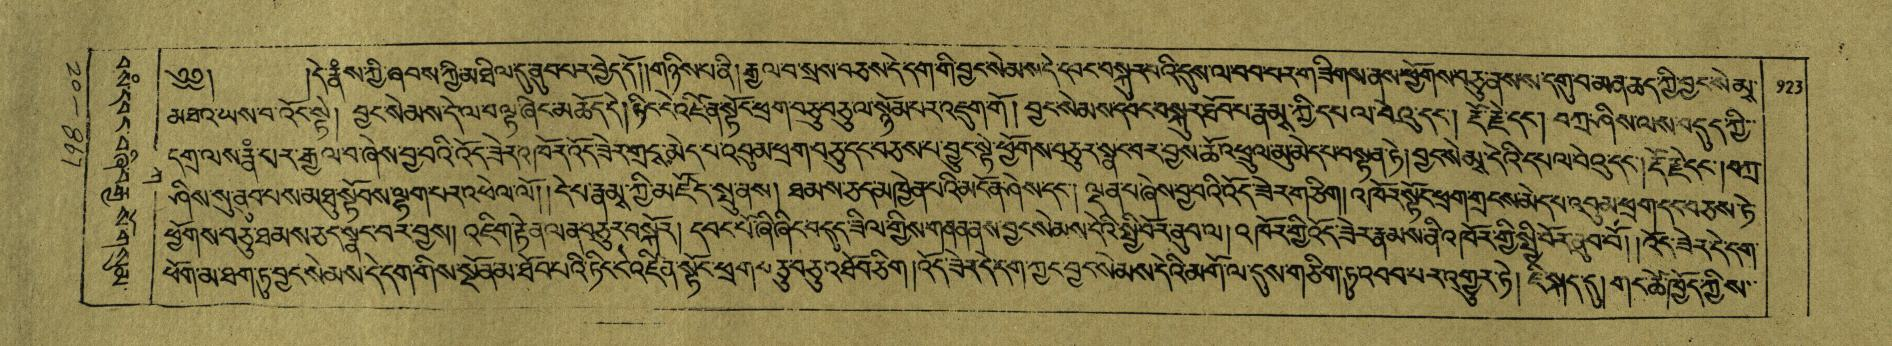༄༅། །དེ་རྣཾས་ཀྱི་ཞབས་ཀྱི་མཐིལ་དུ་ནུབ་པར་བྱེད་དོ། །གཉིས་པ་ནི། རྒྱལ་བ་སྲས་བཅས་དེ་དག་གི་བྱང་སེམས་དེ་དབང་བསྐུར་བའི་དུས་ལ་བབ་པར་གཟིགས་ནས་ཕྱོགས་བཅུ་ནས་ས་དགུ་བ་མན་ཆད་ཀྱི་བྱང་སེམས་
མཐའ་ཡས་བ་འོང་སྟེ། བྱང་སེམས་དེ་ལ་བལྟ་ཞིང་མཆོད་དེ། ཏིང་ངེ་འཛིན་སྟོང་ཕྲག་བཅུ་བཅུ་ལ་སྙོམ་པར་འཇུག་གོ །བྱང་སེམས་དབང་བསྐུར་ཐོབ་པ་རྣམས་ཀྱི་དཔལ་བེའུ་དང་། རྡོ་རྗེ་དང་། བཀྲ་ཤིས་ལས་བདུད་ཀྱི་
དགྲ་ལས་རྣཾ་པར་རྒྱལ་བ་ཞེས་བྱ་བའི་འོད་ཟེར་འཁོར་འོད་ཟེར་གྲངས་མེད་པ་འབུམ་ཕྲག་བཅུ་དང་བཅས་པ་བྱུང་སྟེ་ཕྱོགས་བཅུར་སྣང་བར་བྱས་ཆོ་འཕྲུལ་མུ་མེད་པ་བསྟན་ཏེ། བྱང་སེམས་དེའི་དཔལ་བེའུ་དང་། རྡོ་རྗེ་དང་། བཀྲ་
ཤིས་སུ་ནུབ་པས་མཐུ་སྟོབས་ལྷག་པར་འཕེལ་ལོ། །དེ་པ་རྣམས་ཀྱི་མཛོད་སྤུ་ནས། ཐམས་ཅད་མཁྱེན་པའི་མངོན་ཤེས་དང་། ལྡན་པ་ཞེས་བྱ་བའི་འོད་ཟེར་གཅིག། འཁོར་སྟོང་ཕྲག་གྲངས་མེད་པ་འབུམ་ཕྲག་དང་བཅས་ཏེ་
ཕྱོགས་བཅུ་ཐམས་ཅད་སྣང་བར་བྱས། འཇིག་རྟེན་ལན་བཅུར་བསྐོར། དབང་པོ་ཞི་ཞིང་བདུད་ཟི་གྱིས་གནན་ནས་བྱང་སེམས་དེའི་སྤྱི་བོར་ནུབ་ལ། འཁོར་གྱི་འོད་ཟེར་རྣམས་ནི་འཁོར་གྱི་སྤྱི་བོར་ནུབ་བོ། །འོད་ཟེར་དེ་དག་
ཕོག་མ་ཐག་ཏུ་བྱང་སེམས་དེ་དག་གིས་སྔོན་མ་ཐོབ་པའི་ཏིང་ངེ་འཛིན་སྟོང་ཕྲག་བཅུ་བཅུ་འཐོབ་ཅིག །འོད་ཟེར་དེ་དག་ཀྱང་བྱང་སེམས་དེའི་མགོ་ལ་དུས་གཅིག་ཏུ་འབབ་པར་འགྱུར་ཏེ། ཇི་སྐད་དུ། གང་ཚེ་ཁྱོད་ཀྱིས་